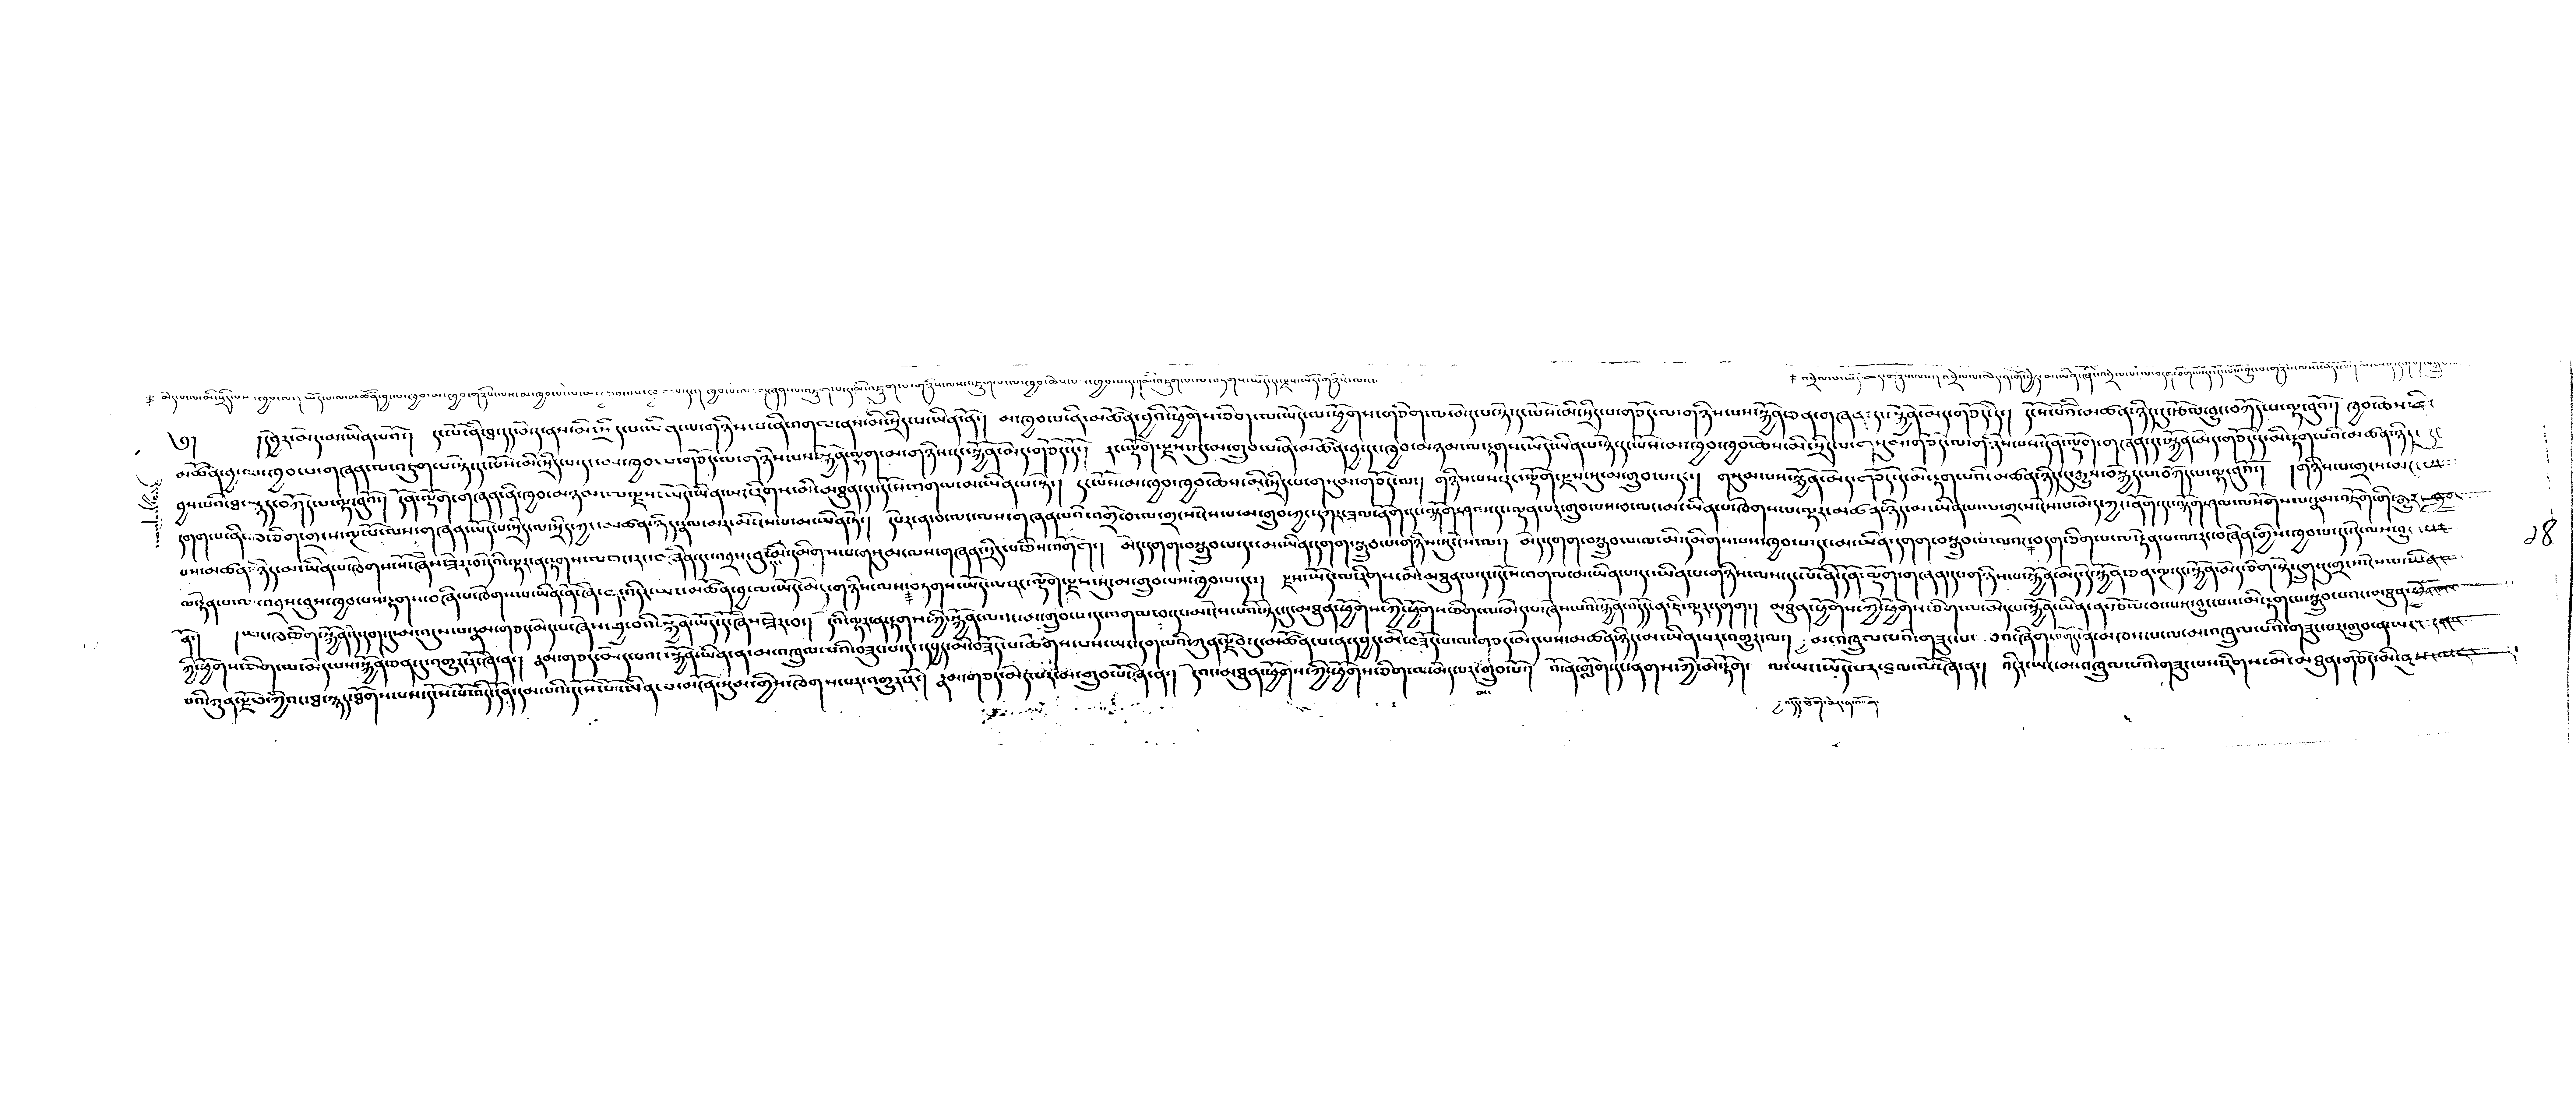ཨིཨི་༈། །དབྱེར་མེད་མ་ཡིན་པའོ། དང་པོ་ནི་ཐ་དད་མེད་ནས་མི་སྲིད་པ་ཡིན་ལ་གཉིས་པ་ནི་འགལ་ནས་མི་སྲིད་པ་ཡིན་ནོ། མ་ཁྱབ་པ་ནི་མཚོན་བྱའི་ཕྱོགས་ཅིག་ལ་ཡོད་ལ་ཕྱོགས་གཅིག་ལ་མེད་པ་སྟེ་དང་པོས་མི་སྲིད་པ་གཅོད་ལ་གཉིས་པས་སྐྱོན་ཅན་གཞན་དང་སྐྱོན་མེད་གཅོད་དེ། དངོས་པོའི་མཚན་ཉིད་དུ་རྩོལ་བྱུང་བཀོད་པ་ལྟ་བུའོ། ཁྱབ་ཆོས་ནི་
མཚོན་བྱ་ལ་ཁྱབ་པ་གཞན་ལ་འཇུག་པ་སྟེ་དང་པོས་མི་སྲིད་པ་དང་མ་ཁྱབ་པ་གཅོད་ལ་གཉིས་པས་སྐྱོན་ལྷག་མ་གཉིས་དང་སྐྱོན་མེད་གཅོད་དོ། རང་ལྡོག་རྫས་སུ་མ་གྲུབ་པ་ནི་མཚོན་བྱ་དང་ཁྱབ་མཉམ་ལ་རྟགས་ཡོད་ཡིན་པ་སྟེ་དང་པོས་མ་ཁྱབ་ཁྱབ་ཆེས་མི་སྲིད་པ་གསུམ་གཅོད་ལ་གཉིས་པས་དོན་ལྡོག་གཞན་དང་སྐྱོན་མེད་གཅོད་དེ་མི་རྟག་པའི་མཚན་ཉིད་དུ་
བྱས་པའི་ཐ་སྙད་བཀོད་པ་ལྟ་བུའོ། དོན་ལྡོག་གཞན་ནི་ཁྱབ་མཉམ་ལ་རྫས་ཡོད་ཡིན་ཡང་རིགས་མི་མཐུན་དང་དངོས་འགལ་མ་ཡིན་པ་སྟེ། དང་པོས་མ་ཁྱབ་ཁྱབ་ཆེས་མི་སྲིད་པ་གསུམ་གཅོད་ལ། གཉིས་པས་རང་ལྡོག་རྫས་སུ་མ་གྲུབ་པ་དང་། གསུམ་པས་སྐྱོན་མེད་གཅོད་དེ་མི་རྟག་པའི་མཚན་ཉིད་དུ་རྒྱུས་བསྐྱེད་པ་བཀོད་པ་ལྟ་བུའོ། །གཉིས་པ་གྲངས་མང་པར་
དགག་པ་ནི་ཁ་ཅིག་གྲངས་ལྔ་པོ་ལས་གཞན་ཡོད་པ་སྲིད་མ་སྲིད་ཀྱང་མཚན་ཉིད་རྣལ་མར་མི་ངེས་པ་མ་ཡིན་ཏེ། དཔེར་ན་བ་ལ་ལས་གཞན་པའི་འགྲོ་བ་ལ་གྲངས་ངེས་པ་མ་གྲུབ་ཀྱང་དཀར་ཟལ་ནོག་དང་ལྐོག་ཤལ་དང་ལྡན་པར་གྲུབ་པས་བ་ལང་མ་ཡིན་པ་ཁེགས་པ་ལྟར་མཚན་ཉིད་མ་ཡིན་པ་ལ་གྲངས་ངེས་པ་མེད་ཀྱང་ནོག་དང་ལྐོག་ཤལ་ལ་སོགས་པ་རྣམ་འཇོག་གི་རྒྱུར་
པས་མཚན་ཉིད་མ་ཡིན་པ་ཁེགས་སོ་ཞེས་ཟེར་བ་དེའི་ལྟར་ན་རྟགས་ལའང་རང་བཞིན་དང་འབྲས་བུ་དང་མི་དམིགས་པ་གསུམ་ལས་གཞན་སྲིད་པ་ཅིས་འགོག །མེད་དགག་བསྒྲུབ་པ་དང་མ་ཡིན་དགག་སྒྲུབ་པ་གཉིས་སུ་ངེས་ལ། མེད་དགག་བསྒྲུབ་པ་ལ་མི་དམིགས་པས་ཁྱབ་པ་དང་མ་ཡིན་དགག་བསྒྲུབ་པ་ལའང་བདག་ཅིག་པ་ལ་རྟེན་པ་ལ་རང་བཞིན་གྱིས་ཁྱབ་པ་དང་དེ་ལས་བྱུང་
ལ་རྟེན་པ་ལ་འབྲས་བུས་ཁྱབ་པས་རྟགས་བཞི་པ་ཁེགས་པ་ཡིན་ནོ་ཞེ་ན་འདིར་ཡང་མཚོན་བྱ་ལ་ཡོད་མེད་གཉིས་ལས་བཏགས་ཡོད་ལ་རང་ལྡོག་རྫས་སུ་མ་གྲུབ་པས་ཁྱབ་པ་དང་། རྫས་ཡོད་ལ་རིགས་མི་མཐུན་པ་དང་དངོས་འགལ་མ་ཡིན་པ་དང་ཡིན་པ་གཉིས་ལས་དང་པོ་ནི་དོན་ལྡོག་གཞན་དང་གཉིས་པ་སྐྱོན་མེད་དེ་སྐྱོན་ཅན་ལྔ་དང་སྐྱོན་མེད་ཅིག་སྟེ་དྲུག་དུ་གྲངས་ངེས་པ་ཡིན་
ནོ། །ཡང་ཁ་ཅིག་སྐྱོན་དེ་དག་དུ་མ་འདུས་པ་རྣམ་གཅད་མེད་པ་ཞེས་བྱ་བའི་སྐྱོན་ཡོད་དོ་ཞེས་ཟེར་བ། དེའི་ལྟར་ན་རྟགས་ཀྱི་སྐྱོན་ལའང་མ་གྲུབ་པ་དང་འགལ་བ་དང་མ་ངེས་པའི་སྟེང་དུ་མཐུན་ཕྱོགས་ཀྱི་ཕྱོགས་ཅིག་ལ་མེད་པ་ཞེས་པའི་སྐྱོན་འདོད་ན་ཇི་ལྟར་དགག །མཐུན་ཕྱོགས་ཀྱི་ཕྱོགས་ཅིག་ལ་མེད་པ་སྐྱོན་ཡིན་ན་རྩོལ་བ་ལས་བྱུང་པས་མི་རྟག་པ་སྒྲུབ་པའང་མཐུན་ཕྱོགས་
ཀྱི་ཕྱོགས་ཅིག་མ་མེད་པས་སྐྱོན་ཅན་དུ་འགྱུར་རོ་ཞེ་ན། རྣམ་གཅད་མེད་པའང་སྐྱོན་ཡིན་ན་མ་འཁྲུལ་པའི་བཟུང་པ་དང་དཔྱད་མི་བཟོད་པ་ཚོགས་པས་ཡང་དག་པའི་ཀུན་རྫོབ་དུ་མཚོན་པ་ན་དཔྱད་མི་བཟོད་པ་ལ་གཅད་མེད་པས་མཚན་ཉིད་མ་ཡིན་པར་འགྱུར་ལ། འདོད་ཐོག་ཟེར་ན།  འོ་ན། མ་འཁྲུལ་པའི་གཟུང་བ་འབའ་ཞིག་འགོད་ན་མཁས་པ་ལ་མ་འཁྲུལ་པའི་གཟུང་པར་གྲུབ་ན་ཡང་དག་
པའི་ཀུན་རྫོབ་ཀྱིའང་ཐ་སྙད་ཐོགས་པས་དངོས་པོ་འདི་དོན་དམ་པའི་དངོས་པོ་ཡིན་པ་མངོན་སུམ་གྱིས་ཁེགས་པར་འགྱུར་རོ། རྣམ་གཅད་མེད་པར་མ་གྲུབ་པོ་ཞེ་ན། དེའང་མཐུན་ཕྱོགས་ཀྱི་ཕྱོགས་ཅིག་ལ་མེད་པར་གྲུབ་པོ། འོ་ན་གློག་དང་ནགས་ཀྱི་མེ་རྟོག་ལ་ཡང་ཡོད་པར་ཐལ་ལོ་ཞེ་ན། འདིར་ཡང་མ་འཁྲུལ་པའི་གཟུང་པས་རིགས་མི་མཐུན་གཅོད་མི་ནུས་པར་